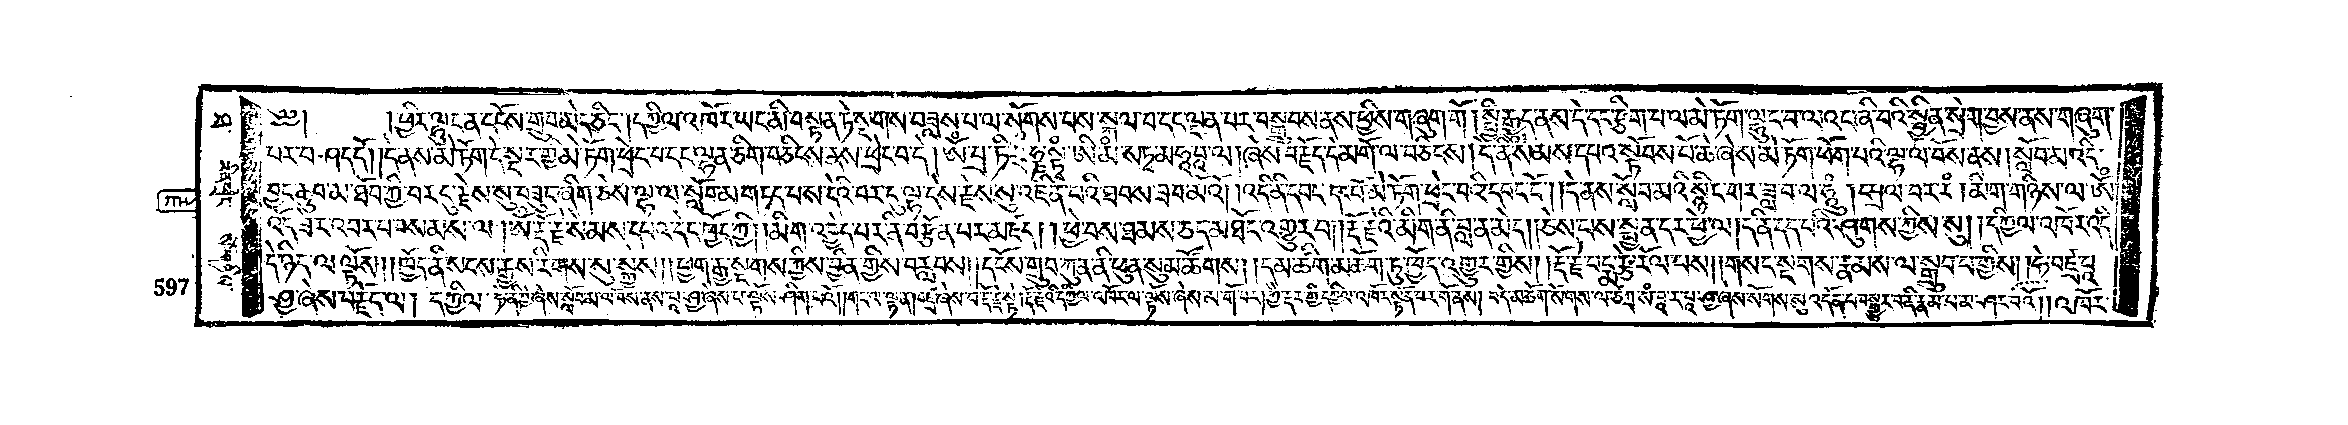༄༅། །ཕྱིར་ལྷུང་ན་དངོས་གྲུབ་མེད་ཅིང་། དཀྱིལ་འཁོར་ཡང་མི་བསྟན་ཏེ་སྔགས་བཟླས་པ་ལ་སོགས་པས་སྐལ་བ་དང་ལྡན་པར་བསྒྲུབས་ནས་ཕྱིས་གཞུག་གོ །སྤྱི་རྒྱུད་ནས་དེ་དང་རྩིག་པ་ལ་མེ་ཏོག་ལྷུང་བ་ལའང་ཞི་བའི་སྦྱིན་སྲེག་བྱས་ནས་གཞུག་
པར་བཤད་དོ། །དེ་ནས་མེ་ཏོག་དེ་སྔར་གྱི་མེ་ཏོག་ཕྲེང་བ་དང་ལྷན་ཅིག་བཅིངས་ནས་ཕྲེང་བ་དེ། ཨོཾ་པྲ་ཏི་གྲྀཧྞ་སྟྭཾ་ཨི་མཾ་སཏྭ་མཧཱ་བཱ་ལ། ཞེས་བརྗོད་དེ་མགོ་ལ་བཅིངས། དེ་ནི་སེམས་དཔའ་སྟོབས་པོ་ཆེ་ཞེས་མེ་ཏོག་ཕོག་པའི་ལྷ་ལ་བོས་ནས། སློབ་མ་འདི་
བྱང་ཆུབ་མ་ཐོབ་ཀྱི་བར་དུ་རྗེས་སུ་བཟུང་ཞིག་ཅེས་ལྷ་ལ་སློབ་མ་གཏད་པས་དེའི་བར་དུ་ལྷ་དེས་རྗེས་སུ་འཛིན་པའི་ཐབས་ཟབ་མོའོ། །འདི་ནི་དབང་དང་པོ་མེ་ཏོག་ཕྲེང་བའི་དབང་ངོ། །དེ་ནས་སློབ་མའི་སྙིང་གར་ཟླ་བ་ལ་ཧཱུཾ། དཔྲལ་བར་རཾ། མིག་གཉིས་ལ་ཨོཾ་
འོད་ཟེར་འབར་བ་བསམས་ལ། ཨོཾ་རྡོ་རྗེ་སེམས་དཔའ་དེང་ཁྱོད་ཀྱི། །མིག་འབྱེད་པར་ནི་བརྩོན་པར་མཛད། །ཕྱེ་བས་ཐམས་ཅད་མཐོང་འགྱུར་བ། །རྡོ་རྗེའི་མིག་ནི་བླ་ན་མེད། །ཅེས་པས་སྤྱན་དར་ཕྱེ་ལ། དེ་ནི་དད་པའི་ཤུགས་ཀྱིས་སུ། །དཀྱིལ་འཁོར་འདི་
དེ་ཉིད་ལ་ལྟོས། །ཁྱོད་ནི་སངས་རྒྱས་རིགས་སུ་སྐྱེས། །ཕྱག་རྒྱ་སྔགས་ཀྱིས་བྱིན་གྱིས་བརླབས། །དངོས་གྲུབ་ཀུན་ནི་ཕུན་སུམ་ཚོགས། །དམ་ཚིག་མཆོག་ཏུ་ཁྱོད་འགྱུར་གྱིས། །རྡོ་རྗེ་པདམ་རྩེ་རོལ་པས། །གསང་སྔགས་རྣམས་ལ་སྒྲུབ་པ་གྱིས། །ཧེ་བཛྲ་པཱ་
ཤྱ་ཞེས་བརྗོད་ལ། དཀྱིལ་ཧེ་ནི་ཀྱེ་ཞེས་སློབ་མ་ལ་བོས་ནས་པཱ་ཤྱ་ཞེས་པ་ལྟོས་ཤིག་པའོ། །གང་ལ་ལྟ་ན། བཛྲ་ཞེས་པ་རྡོ་རྗེ་སྟེ། རྡོ་རྗེའི་དཀྱིལ་འཁོར་ལ་ལྟོས་ཞེས་མ་གོ་བར། ཀྱཻ་རྡར་གྱི་དཀྱིལ་འཁོར་སྟོན་པར་གོ་ནས། བདེ་མཆོག་སོགས་ལ་ཙེ་ཀྲ་སཾ་བཱ་ར་པཱ་ཤྱ་ཞེས་སོགས་སུ་འདོན་པ་བསྒྱུར་བ་ནི་རྣམ་པ་མ་ཤར་བའོ།  །འཁོར་